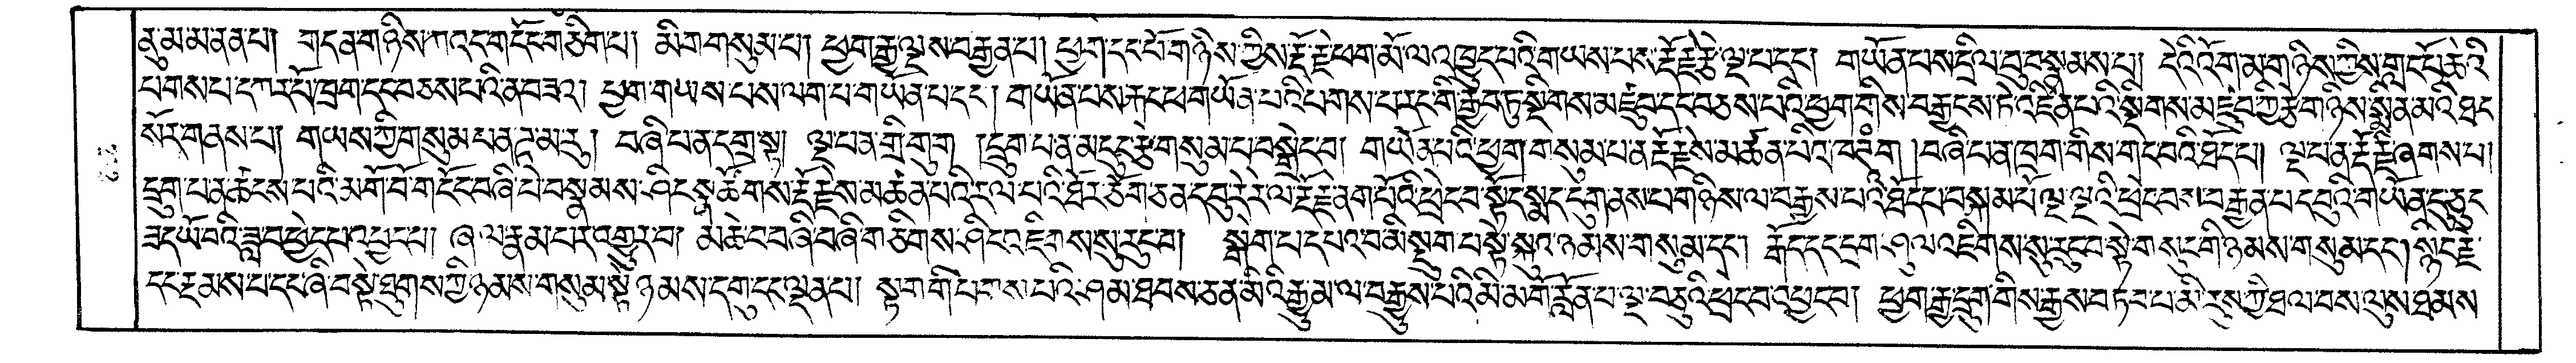ནུ་མ་མནན་པ། གདན་གཉིས་ཀའང་གདོང་གཅིག་པ། མིག་གསུམ་པ། ཕྱག་རྒྱ་ལྔས་བརྒྱན་པ། ཕྱག་དང་པོ་གཉིས་ཀྱིས་རྡོ་རྗེ་ཕག་མོ་ལ་ཁྱུད་པའི་གཡས་པས་རྡོ་རྗེ་རྩེ་ལྔ་པ་དང་། གཡོན་པས་དྲིལ་བུ་བསྣམས་པ། དེའི་འོག་མང་གིས་ཀྱིས་གླང་པོ་ཆེའི་
བགས་པ་དཀར་པོ་ཁྲག་དང་བཅས་པའི་ན་བཟའ། ཕྱག་གཡས་པས་ལག་པ་གཡོན་པ་དང་། གཡོན་པས་རྐང་པ་གཡོན་པའི་པགས་པ་རང་གི་རྒྱབ་ཏུ་སྡིགས་མཛུབ་དང་བཅས་པའི་ཕྱག་གིས་བརྒྱངས་ཏེ་འཛིན་པའི་སྡིགས་མཛུབ་ཀྱི་རྩེ་གཉིས་སྨིན་མའི་ཐད་
སོར་གནས་པ། གཡས་ཀྱི་གསུམ་པན་ཌཱ་མ་རུ། བཞི་པན་དགྲ་སྟ། ལྔ་པན་གྲི་གུག། དྲུག་པན་མ་དུང་རྩེ་གསུམ་པ་བསྒྲེང་བ། གཡོན་པའི་ཕྱག་གསུམ་པ་ན་རྡོ་རྗེས་མཚན་པའི་ཁ་ཊྭཱཾ་ག། བཞི་པ་ན་ཁྲག་གིས་གང་བའི་ཐོད་པ། ལྔ་པ་ན་རྡོ་རྗེ་ཞགས་པ།
དྲུག་པ་ན་ཚངས་པའི་མགོ་བོ་གདོང་བཞི་པ་བསྣམས་ཤིང་སྣ་ཚོགས་རྡོ་རྗེས་མཚན་པའི་རལ་པའི་ཐོར་ཅོག་ཅན་དབུ་རེ་རེ་ལ་རྡོ་རྗེ་ནག་པོ་འི་ཕྲེང་བ་སྟོད་སྨད་དུ་གནས་པ་གཉིས་ལ་བརྒྱུས་པའི་ཐོད་པ་བསྐམ་པོ་ལྔ་ལྔའི་ཕྲེང་བས་བརྒྱན་པ་དབུའི་གཡོན་དུ་ཅུང་
ཟད་ཡོ་བའི་ཟླ་བ་ཕྱེད་པ་འཕྱང་བ། ཞལ་རྣམ་པར་འགྱུར་པ། མཆེ་བ་བཞི་བཞི་གཙིགས་ཤིང་འཇིགས་སུ་རུང་བ། སྒེག་པ་དཔའ་བ་མི་སྡུག་པ་སྟེ་སྐུའི་ཉམས་གསུམ་དང་། རྒོད་དང་དྲགས་ཕྱུལ་འཇིགས་སུ་རུང་བ་སྟེ་གསུང་གི་ཉམས་གསུམ་དང་། སྙིང་རྗེ་
དང་རྔམས་པ་དང་ཞི་བ་སྟེ་ཐུགས་ཀྱི་ཉམས་གསུམ་སྟེ་ཉམས་དགུ་དང་ལྡན་པ། སྟག་གི་པགས་པའི་ཤམ་ཐབས་ཅན་མི་འི་རྒྱུ་མ་ལ་བརྒྱུས་པའི་མི་མགོ་རློན་པ་ལྔ་བཅུའི་ཕྲེང་བ་འཕྱང་པ། ཕྱག་རྒྱ་དྲུག་གིས་རྒྱས་བཏབ་པ་མི་རུས་ཀྱི་ཐལ་བས་ལུས་ཐམས་